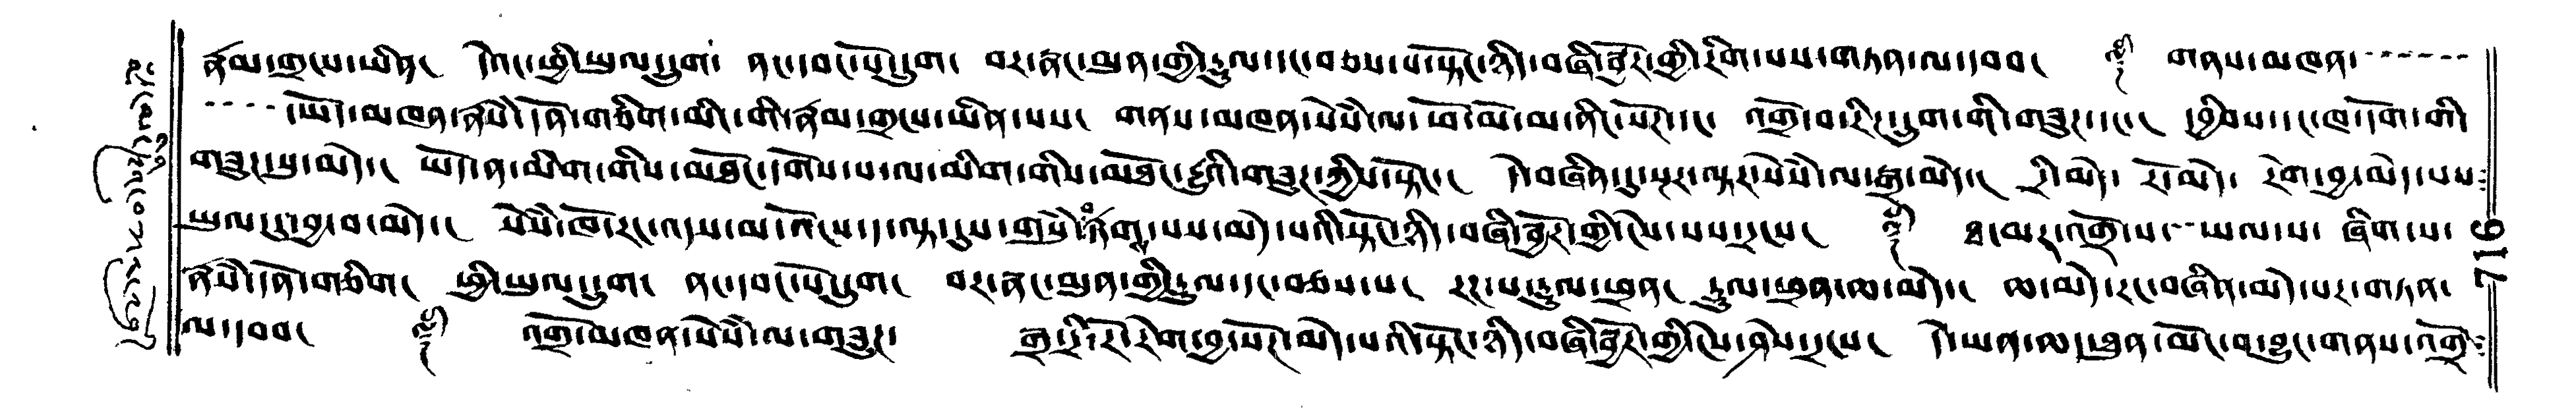རྣམ་གྲངས་ཡིན། དེའང་ཕྱི་ཡུལ་དྲུག ནང་དབང་པོ་དྲུག བར་སྣང་མུན་གྱི་རྡུལ་དང་བཅས་པ་སྟོང་ཉིད་བཞི་སྦྱོར་གྱི་རིགས་པས་གཏན་ལ་དབབ། ༈ གནས་མཁན་
ཡོད་མཁན་རྣམས་དོན་གཅིག་མིང་གི་རྣམ་གྲངས་ཡིན་པས། གནས་མཁན་སེམས་ལ་ཕོ་མོ་མ་ནིང་སོགས་དང་། འགྲོ་བ་རིགས་དྲུག་གི་གཟུགས་དང་། དབྱིབས་དང་ཁ་དོག་གི་
གཟུགས་སུ་མེད། ཡོད་ན་མིག་གིས་མཐོང་དགོས་པ་ལ་མིག་གིས་མཐོང་རྒྱུའི་གཟུགས་ཀྱི་སྟོང་། དེ་བཞིན་དུ་སྔར་ལྟར་སེམས་ལ་སྒྲ་མེད། དྲི་མེད། རོ་མེད། རེག་བྱ་མེད་པས་
ཡུལ་དུ་བྱ་བ་མེད། སེམས་ཁོ་རང་འདས་མ་འོངས་དང་ལྟ་དུས་གསུམ་བརྟགས་པས་མེད་པའི་སྟོང་ཉིད་བཞི་སྦྱོར་གྱི་ངེས་པས་དྲངས། ༈ ཐ་མར་འགྲོ་ས་ཡལ་ས་ཞིག་ས་
རྣམས་དོན་གཅིག ཕྱི་ཡུལ་དྲུག ནང་དབང་པོ་དྲུག བར་སྣང་མུན་གྱི་རྡུལ་དང་བཅས་པ། རགས་པ་རྡུལ་ཕྲན། རྡུལ་ཕྲན་ཆ་མེད། ཆ་མེད་རང་བཞིན་མེད་པར་གཏན་
ལ་དབབ། ༈ འགྲོ་མཁན་སེམས་ལ་གཟུགས་ སྒྲ་དྲི་རོ་རེག་བྱ་སོགས་མེད་པའི་སྟོང་ཉིད་བཞི་སྦྱོར་གྱི་ངེས་ཤེས་དྲངས། དེ་ཡན་ཆད་ཐུན་མོང་བ་བྱུང་གནས་འགྲོ་